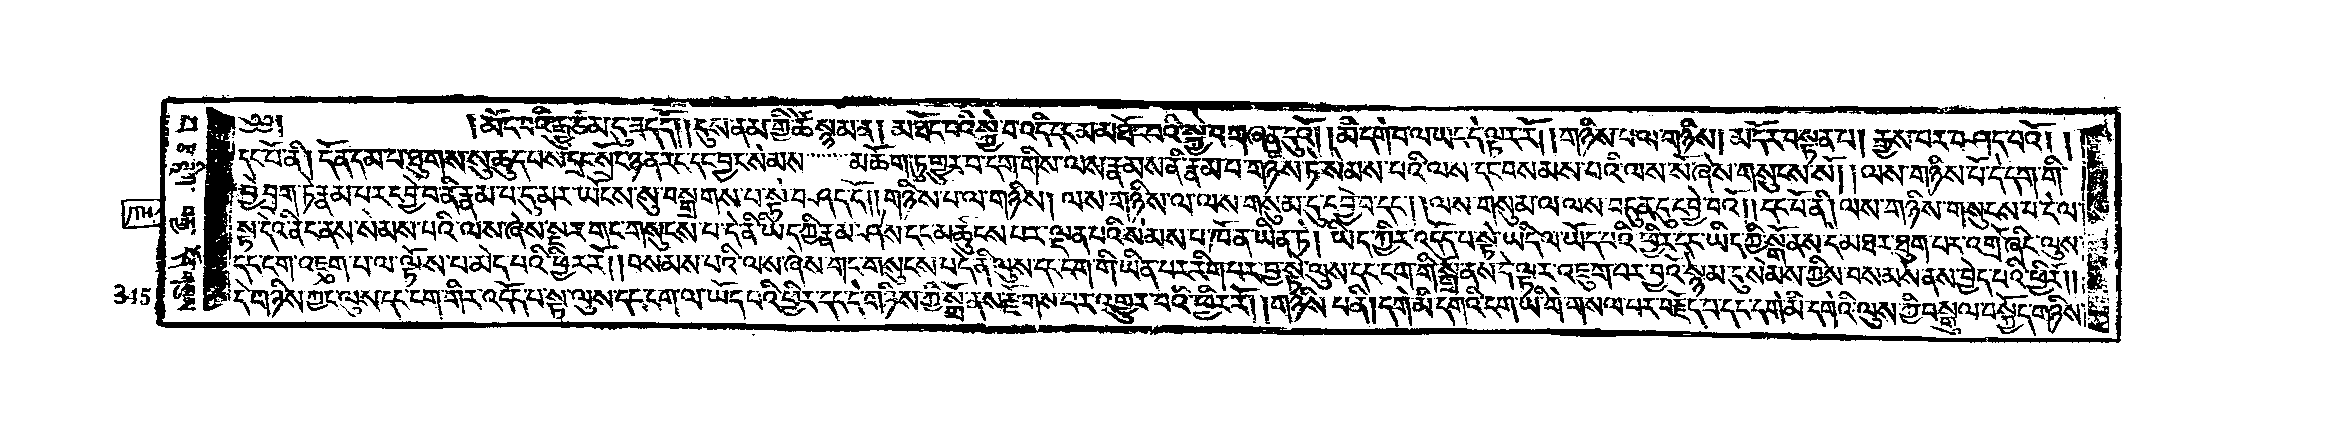༄༅། །མོང་བའི་རྒྱུ་ཙམ་དུ་ཟད་དོ། །དུས་ནམ་གྱི་ཚེ་སྙམ་ན། མཐོང་བའི་སྐྱེ་བ་འདི་དང་མ་མཐོང་བའི་སྐྱེ་བ་གཞན་དུའོ། །མི་དགེ་བ་ལ་ཡང་དེ་ལྟར་རོ། །གཉིས་པ་ལ་གཉིས། མདོར་བསྟན་པ། རྒྱས་པར་བཤད་པའོ། །
དང་པོ་ནི། དོན་དམ་པ་ཐུགས་སུ་ཆུད་པས་དྲང་སྲོང་ཉན་རང་དང་བྱང་སེམས་མཆོག་ཏུ་གྱུར་བ་དག་གིས་ལས་རྣམས་ནི་རྣམ་པ་གཉིས་ཏེ་སེམས་པའི་ལས་དང་བསམས་པའི་ལས་སོ་ཞེས་གསུངས་སོ། །ལས་གཉིས་པོ་དེ་དག་གི་
བྱེ་བྲག་ཏེ་རྣམ་པར་དབྱེ་བ་ནི་རྣམ་པ་དུ་མར་ཡོངས་སུ་བསྒྲགས་པ་སྟེ་བཤད་དོ། །གཉིས་པ་ལ་གཉིས། ལས་གཉིས་ལ་ལས་གསུམ་དུ་དབྱ་བ་དང་། ལས་གསུམ་ལ་ལས་བདུན་དུ་དབྱེ་བའོ། །དང་པོ་ནི། ལས་གཉིས་གསུངས་པ་དེ་ལ་
སྟ་དེའི་ནང་ནས་སེམས་པའི་ལས་ཞེས་སྔར་གང་གསུངས་པ་དེ་ནི་ཡིད་ཀྱི་རྣམ་ཤེས་དང་མཚུངས་པར་ལྡན་པའི་སེམས་པ་ཁོ་ན་ཡིན་ཏེ། ཡིད་ཀྱིར་འདོད་པ་སྟེ་ཡིད་ལ་ཡོད་པའི་ཕྱིར་དང་ཡིད་ཀྱི་སྒོ་ནས་དེ་མཐར་ཐུག་པར་འགྲོ་ཞིང་ལུས་
དང་ངག་འཇུག་པ་ལ་ལྟོས་པ་མེད་པའི་ཕྱིར་རོ། །བསམས་པའི་ལས་ཞེས་གང་གསུངས་པ་དེ་ནཾ་ལུས་དང་ངག་གི་ཡིན་པར་རིག་པར་བྱ་སྟེ་ལུས་དང་ངག་གི་སྒོ་ནས་དེ་ལྟར་འཇུག་པར་བྱའོ་སྙམ་དུ་སེམས་ཀྱིས་བསམས་ནས་བྱེད་པའི་ཕྱིརོ།།
དེ་གཉིས་ཀྱང་ལུས་དང་ངག་གིར་འདོད་པ་སྟེ་ལུས་དང་ངག་ལ་ཡོད་པའི་ཕྱིར་དང་དེ་གཉིས་ཀྱི་སྒོ་ནས་རྫོགས་པར་འགྱུར་བའི་ཕྱིར་རོ། །གཉིས་པ་ནི། དགེ་མི་དགེའི་ངག་ཡི་གེ་གསལ་པོར་བརྗོད་པ་དང་དགེ་མི་དགེའི་ལུས་ཀྱི་བསྒུལ་བསྐྱོད་གཉིས་